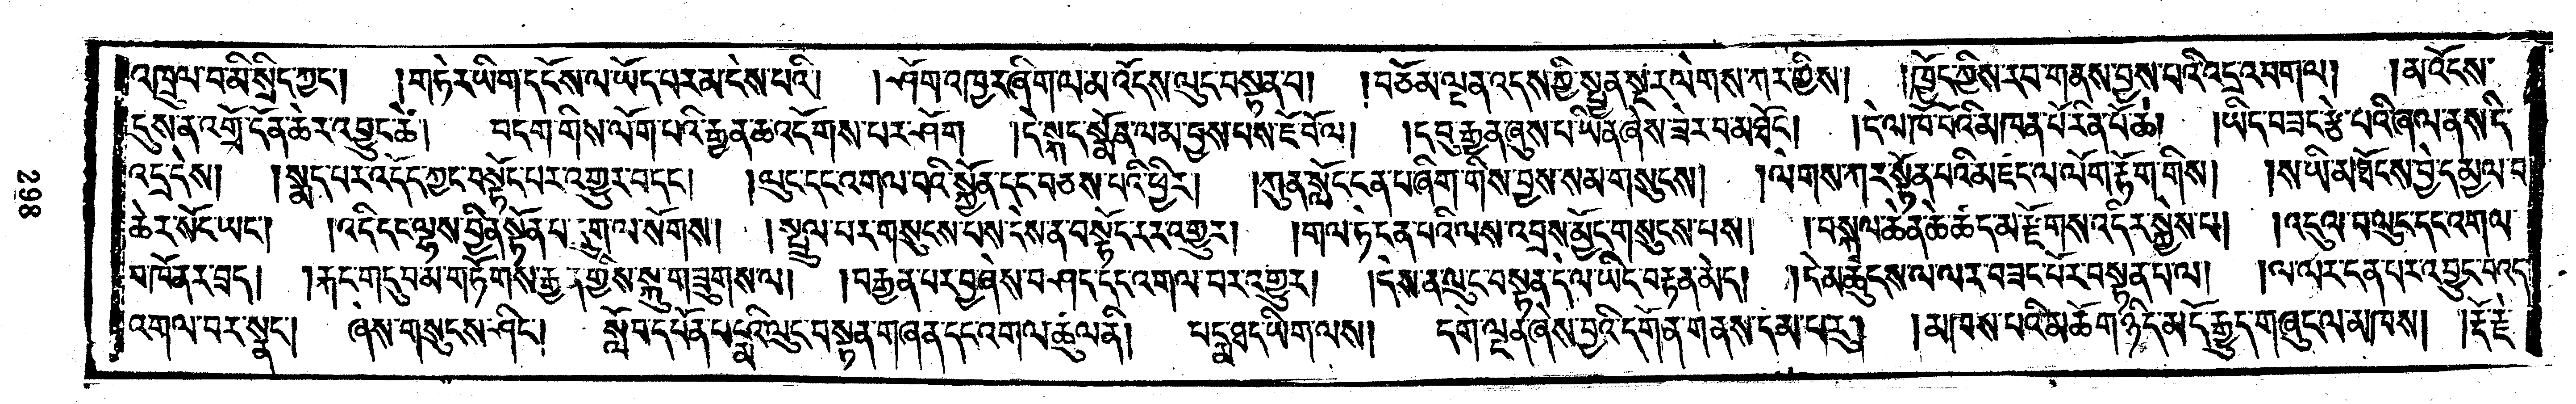འཁྲུལ་བ་མི་སྲིད་ཀྱང་། །གཏེར་ཡིག་དངོས་ལ་ཡོད་པར་མ་ངེས་པའི། །ཤོག་འཁྱར་ཞིག་ལ་མ་འོངས་ལུང་བསྟན་བ། །བཅོམ་ལྡན་འདས་ཀྱི་སྤྱན་སྔར་ལེགས་ཀར་གྱིས། །ཁྱོད་ཀྱིས་རབ་གནས་བྱས་པའི་འདྲ་འབག་ལ། །མ་འོངས་
དུས་ན་འགྲོ་དོན་ཆེར་འབྱུང་ཚེ། བདག་གིས་ལོག་པའི་རྒྱན་ཆ་འདོགས་པར་ཤོག །དེ་སྐད་སྨོན་ལམ་བྱས་པས་ཇོ་བོ་ལ། །དབུ་རྒྱན་ཞུས་པ་ཡིན་ཞེས་ཟེར་བ་མཐོང་། །དེ་ལ་ཁོ་བོའི་མཁན་པོ་རིན་པོ་ཆེ། །ཡིད་བཟང་རྩེ་པའི་ཞལ་ནས་དི་
འདྲ་དེས། །སྨད་པར་འདོད་ཀྱང་བསྟོད་པར་འགྱུར་བ་དང་། །ལུང་དང་འགལ་བའི་སྐྱོན་དང་བཅས་པའི་ཕྱིར། །ཀུན་སློང་ངན་པ་ཞིག་གིས་བྱས་སམ་གསུངས། །ལེགས་ཀར་སྟོན་པའི་མཛད་ལ་ལོག་རྟོག་གིས། །ས་ཡི་མཐོངས་བྱེ་དམྱལ་བ་
ཆེར་སོང་ཡང་། །འདི་དང་ལྷས་བྱིན་སྟོན་པ་དྲུག་ལ་སོགས། །སྤྲུལ་པར་གསུངས་པས་དེས་ན་བསྟོད་རར་འགྱུར། །གལ་ཏེ་ངན་པའི་ལས་འབྲས་མྱོང་གསུངས་པས། །བསྐལ་ཆེན་ཆེ་ཚད་མ་རྫོགས་འདིར་སྐྱེས་པ། །འདུལ་བ་ལུང་དང་འགལ་
བ་ཁོ་ནར་ཟད། །རྐང་གདུབ་མ་གཏོགས་རྒྱན་གྱིས་སྐུ་གཟུགས་ལ། །བརྒྱན་པར་བྱ་ཞེས་བཤད་དང་འགལ་བར་འགྱུར། །དེས་ན་ལུང་བསྟན་དེ་ལ་ཡིད་བརྟན་མེད། །དེ་མཚུངས་ལ་ལར་བཟང་པོར་བསྟན་པ་ལ། །ལ་ལར་ངན་པར་འབྱུང་བའང་
འགལ་བར་སྣང་། ཞེས་གསུངས་ཤིང་། སློབ་དཔོན་པདམའི་ལུང་བསྟན་གཞན་དང་འགལ་ཚུལ་ནི། པདམ་ཐད་ཡིག་ལས། དགེ་ལྡན་ཞེས་བྱའི་དགོན་གནས་དམ་པ་རུ། །མཁས་པའི་མཆོག་ཉིད་མདོ་རྒྱུད་གཞུང་ལ་མཁས། །རྡོ་རྗེ་